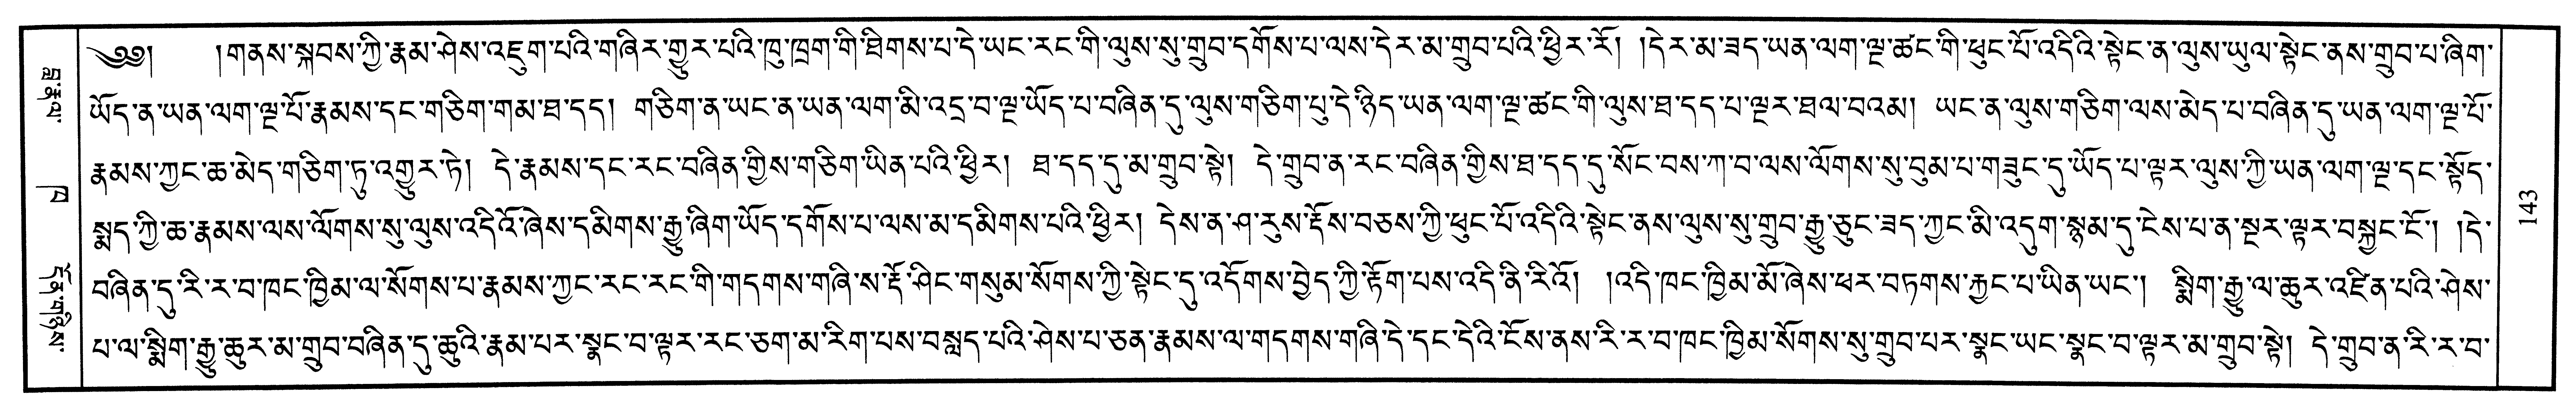༄༅། །གནས་སྐབས་ཀྱི་རྣམ་ཤེས་འཇུག་པའི་གཞིར་གྱུར་པའི་ཁུ་ཁྲག་གི་ཐིགས་པ་དེ་ཡང་རང་གི་ལུས་སུ་གྲུབ་དགོས་པ་ལས་དེར་མ་གྲུབ་པའི་ཕྱིར་རོ། །དེར་མ་ཟད་ཡན་ལག་ལྔ་ཚང་གི་ཕུང་པོ་འདིའི་སྟེང་ན་ལུས་ཡུལ་སྟེང་ནས་གྲུབ་པ་ཞིག་
ཡོད་ན་ཡན་ལག་ལྔ་པོ་རྣམས་དང་གཅིག་གམ་ཐ་དད། གཅིག་ན་ཡང་ན་ཡན་ལག་མི་འདྲ་བ་ལྔ་ཡོད་པ་བཞིན་དུ་ལུས་གཅིག་པུ་དེ་ཉིད་ཡན་ལག་ལྔ་ཚང་གི་ལུས་ཐ་དད་པ་ལྔར་ཐལ་བའམ། ཡང་ན་ལུས་གཅིག་ལས་མེད་པ་བཞིན་དུ་ཡན་ལག་ལྔ་པོ་
རྣམས་ཀྱང་ཆ་མེད་གཅིག་ཏུ་འགྱུར་ཏེ། དེ་རྣམས་དང་རང་བཞིན་གྱིས་གཅིག་ཡིན་པའི་ཕྱིར། ཐ་དད་དུ་མ་གྲུབ་སྟེ། དེ་གྲུབ་ན་རང་བཞིན་གྱིས་ཐ་དད་དུ་སོང་བས་ཀ་བ་ལས་ལོགས་སུ་བུམ་པ་གཟུང་དུ་ཡོད་པ་ལྟར་ལུས་ཀྱི་ཡན་ལག་ལྔ་དང་སྟོད་
སྨད་ཀྱི་ཆ་རྣམས་ལས་ལོགས་སུ་ལུས་འདིའོ་ཞེས་དམིགས་རྒྱུ་ཞིག་ཡོད་དགོས་པ་ལས་མ་དམིགས་པའི་ཕྱིར། དེས་ན་ཤ་རུས་རྡོས་བཅས་ཀྱི་ཕུང་པོ་འདིའི་སྟེང་ནས་ལུས་སུ་གྲུབ་རྒྱུ་ཅུང་ཟད་ཀྱང་མི་འདུག་སྙམ་དུ་ངེས་པ་ན་སྔར་ལྟར་བསྐྱང་ངོ། །དེ་
བཞིན་དུ་རི་ར་བ་ཁང་ཁྱིམ་ལ་སོགས་པ་རྣམས་ཀྱང་རང་རང་གི་གདགས་གཞི་ས་རྡོ་ཤིང་གསུམ་སོགས་ཀྱི་སྟེང་དུ་འདོགས་བྱེད་ཀྱི་རྟོག་པས་འདི་ནི་རིའོ། །འདི་ཁང་ཁྱིམ་མོ་ཞེས་ཕར་བཏགས་རྐྱང་པ་ཡིན་ཡང་། སྨིག་རྒྱུ་ལ་ཆུར་འཛིན་པའི་ཤེས་
པ་ལ་སྨིག་རྒྱུ་ཆུར་མ་གྲུབ་བཞིན་དུ་ཆུའི་རྣམ་པར་སྣང་བ་ལྟར་རང་ཅག་མ་རིག་པས་བསླད་པའི་ཤེས་པ་ཅན་རྣམས་ལ་གདགས་གཞི་དེ་དང་དེའི་ངོས་ནས་རི་ར་བ་ཁང་ཁྱིམ་སོགས་སུ་གྲུབ་པར་སྣང་ཡང་སྣང་བ་ལྟར་མ་གྲུབ་སྟེ། དེ་གྲུབ་ན་རི་ར་བ་